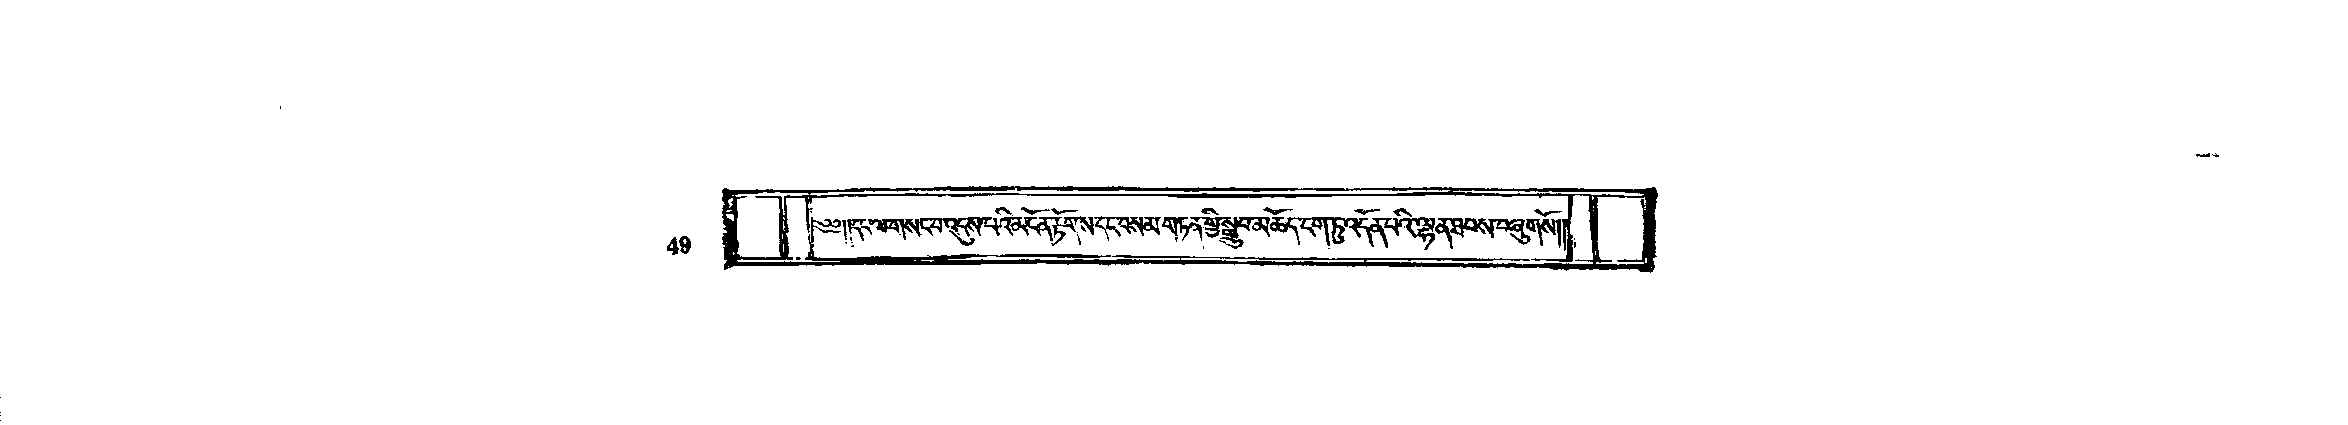༄༅། །དཔལ་གསང་བ་འདུས་པའི་མངོན་རྟོགས་དང་བསམ་གཏན་གྱི་སྒྲུབ་མཆོད་ངག་ཏུ་འདོན་པའི་ལྷན་ཐབས་བཞུགས་སོ། །